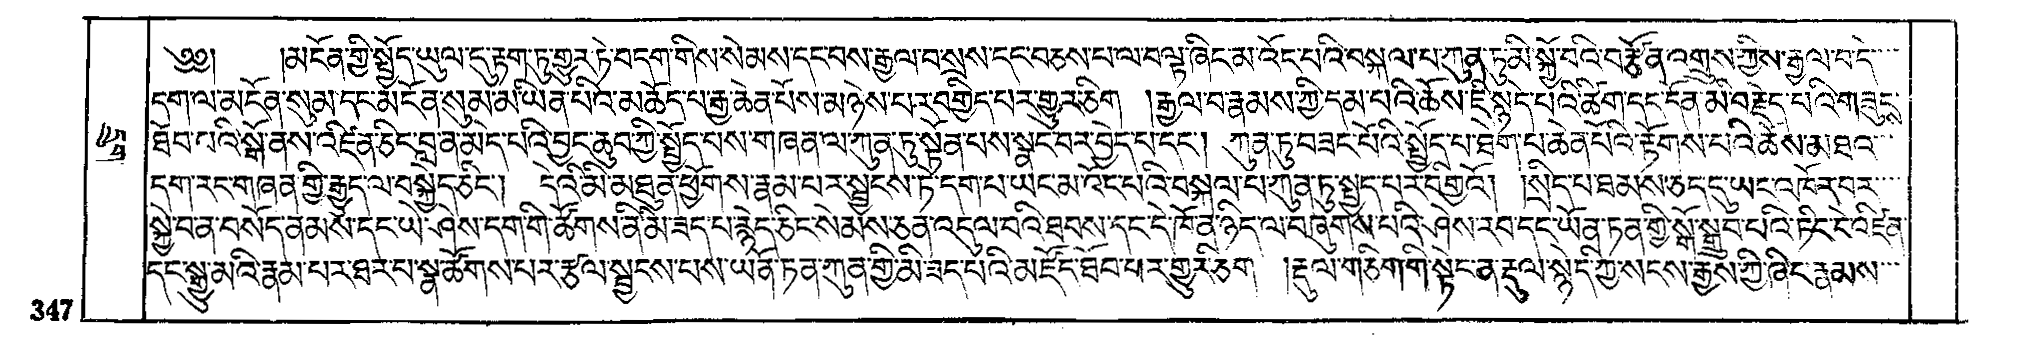༄༅། །མངོན་གྱི་སྤྱོད་ཡུལ་དུ་རྟག་ཏུ་གྱུར་ཏེ་བདག་གིས་སེམས་དང་བས་རྒྱལ་བ་སྲས་དང་བཅས་པ་ལ་བལྟ་ཞིང་མ་འོང་པའི་བསྐལ་པ་ཀུན་ཏུ་མི་སྐྱོ་བའི་བརྩོན་འགྲུས་ཀྱིས་རྒྱལ་བ་དེ་
དག་ལ་མངོན་སུམ་དང་མངོན་སུམ་མ་ཡིན་པའི་མཆོད་པ་རྒྱ་ཆེན་པོས་མཉེས་པར་བགྱིད་པར་གྱུར་ཅིག །རྒྱལ་བ་རྣམས་ཀྱི་དམ་པའི་ཆོས་ཇི་སྙེད་པའི་ཚིག་དང་དོན་མི་བརྗེད་པའི་གཟུངས་
ཐོབ་པའི་སྒོ་ནས་འཛིན་ཅིང་བླ་ན་མེད་པའི་བྱང་ཆུབ་ཀྱི་སྤྱོད་པས་གཞན་ལ་ཀུན་ཏུ་སྟོན་པས་སྣང་བར་བྱེད་པ་དང་། ཀུན་ཏུ་བཟང་པོའི་སྤྱོད་པ་ཐེག་པ་ཆེན་པོའི་རྟོགས་པའི་ཆོས་མཐའ་
དག་རང་གཞན་གྱི་རྒྱུད་ལ་བསྐྱེད་ཅིང་། དེའི་མི་མཐུན་ཕྱོགས་རྣམ་པར་སྦྱངས་ཏེ་དག་པ་ཡང་མ་འོང་པའི་བསྐལ་པ་ཀུན་ཏུ་སྤྱད་པར་བགྱིའོ། །སྲིད་པ་ཐམས་ཅད་དུ་ཡང་འཁོར་བར་
སྐྱེ་བ་ན་བསོད་ནམས་དང་ཡེ་ཤེས་དག་གི་ཚོགས་ནི་མི་ཟད་པ་རྙེད་ཅིང་སེམས་ཅན་འདུལ་བའི་ཐབས་དང་དེ་ཁོ་ན་ཉིད་ལ་བཞུགས་པའི་ཤེས་རབ་དང་ཡོན་ཏན་གྱི་སྒོ་སྒྲུབ་པའི་ཏིང་ངེ་འཛིན་
དང་སྒྱུ་མའི་རྣམ་པར་ཐར་པ་སྣ་ཚོགས་པར་རྩལ་སྦྱངས་པས་ཡོན་ཏན་ཀུན་གྱི་མི་ཟད་པའི་མཛོད་ཐོབ་པར་གྱུར་ཅིག །རྡུལ་གཅིག་གི་སྟེང་ན་རྡུལ་སྙེད་ཀྱི་སངས་རྒྱས་ཀྱི་ཞིང་རྣམས་